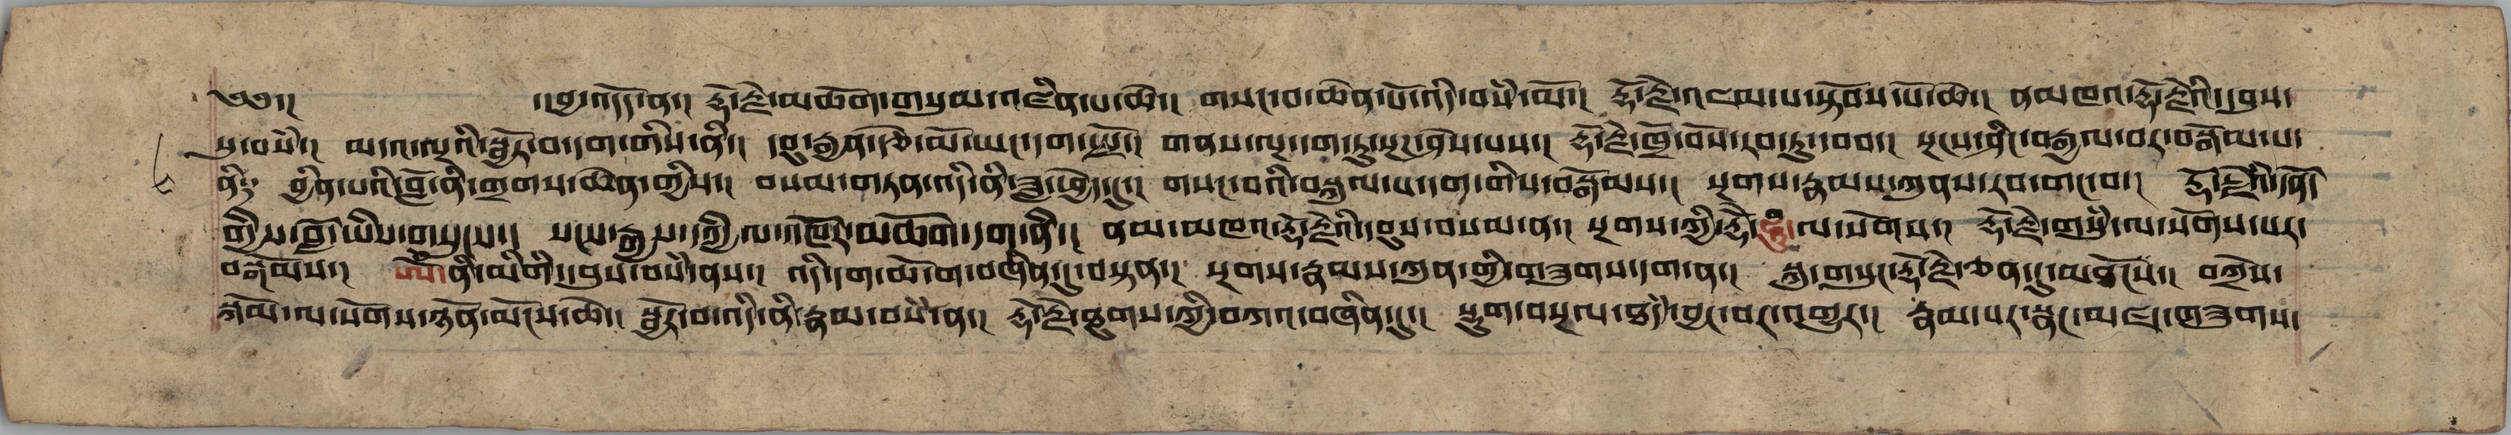༄༅་། ་།བྱ་འདོད་ན་། རྡོ་རྗེ་མཆོག་གསུམ་འཛིན་པ་ཆེ་། གསང་བ་ཆེན་པོ་འདི་བསཾ་མོ་། རྡོ་རྗེ་འཇམ་པ་སྟོབས་པོ་ཆེ་། ནམ་མཁའ་རྡོ་རྗེའི་དབུས་
སུ་བསཾ་། མདའ་ལྔའི་སྦྱོར་བ་དག་གིས་ནི་། དབུ་རྒྱན་རྩེ་མོ་ཡང་དག་སྤྲོ་། གནས་ལྔ་དག་ཏུ་སྔཌ་ཤེས་པས་། རྡོ་རྗེ་ཁྲོ་བོས་རབ་ཏུ་དབབ་། སྔངས་ཤིང་བརྒྱལ་བར་བསྒོམ་པ་
ནོ༑ བྱིན་པའི་བློ་ནི་གྲགས་ཆེན་གྱིས་། བསམ་གཏན་འདི་ནི་ཟླ་ཕྱེད་དུ་། གསང་བའི་བསྐུལ་པ་དག་གིས་བསྒོམས་། སྔགས་རྣམས་ཀུནས་རབ་གང་བ་། རྡོ་རྗེའི་དོན་
གྱིས་བློ་ཡིས་གསུངས་། སངས་རྒྱས་དཀྱིལ་འཁོར་མཆོག་དག་ནི་། ནམ་མཁའ་རྡོ་རྗེའི་དབུས་བསམ་ན་། སྔགས་ཀྱི་རྡོེ་ཧཱུཾ་ལ་སོགས་། རྡོ་རྗེ་གསུཾ་ལ་སོགས་པར་
བསྒོམས་། ཨོཾ་ནི་མིགི་དབུས་བསཾ་ནས་། འདི་དག་ཆོ་ག་བཞིན་དུ་བསྟན་། སྔགས་རྣམས་ཀུན་གྱི་གཟུགས་དག་ན་། སྐུ་གསུང་རྡོ་རྗེ་ཅན་དུ་མཐོངས་། བཀྲེས་
སྐོམ་ལ་སོགས་ཉོན་མོངས་ཆེ་། སྦྱོར་བ་འདི་ནི་རྣམ་བསཾ་ན་། རྡོ་རྗེ་ཐུགས་ཀྱི་བཀའ་བཞིན་དུ་། སྡུག་བསྔལ་ཐདཾ་བྱང་བར་འགྱུར་། རྣམ་པར་སྣང་མཛད་གཟུགས་